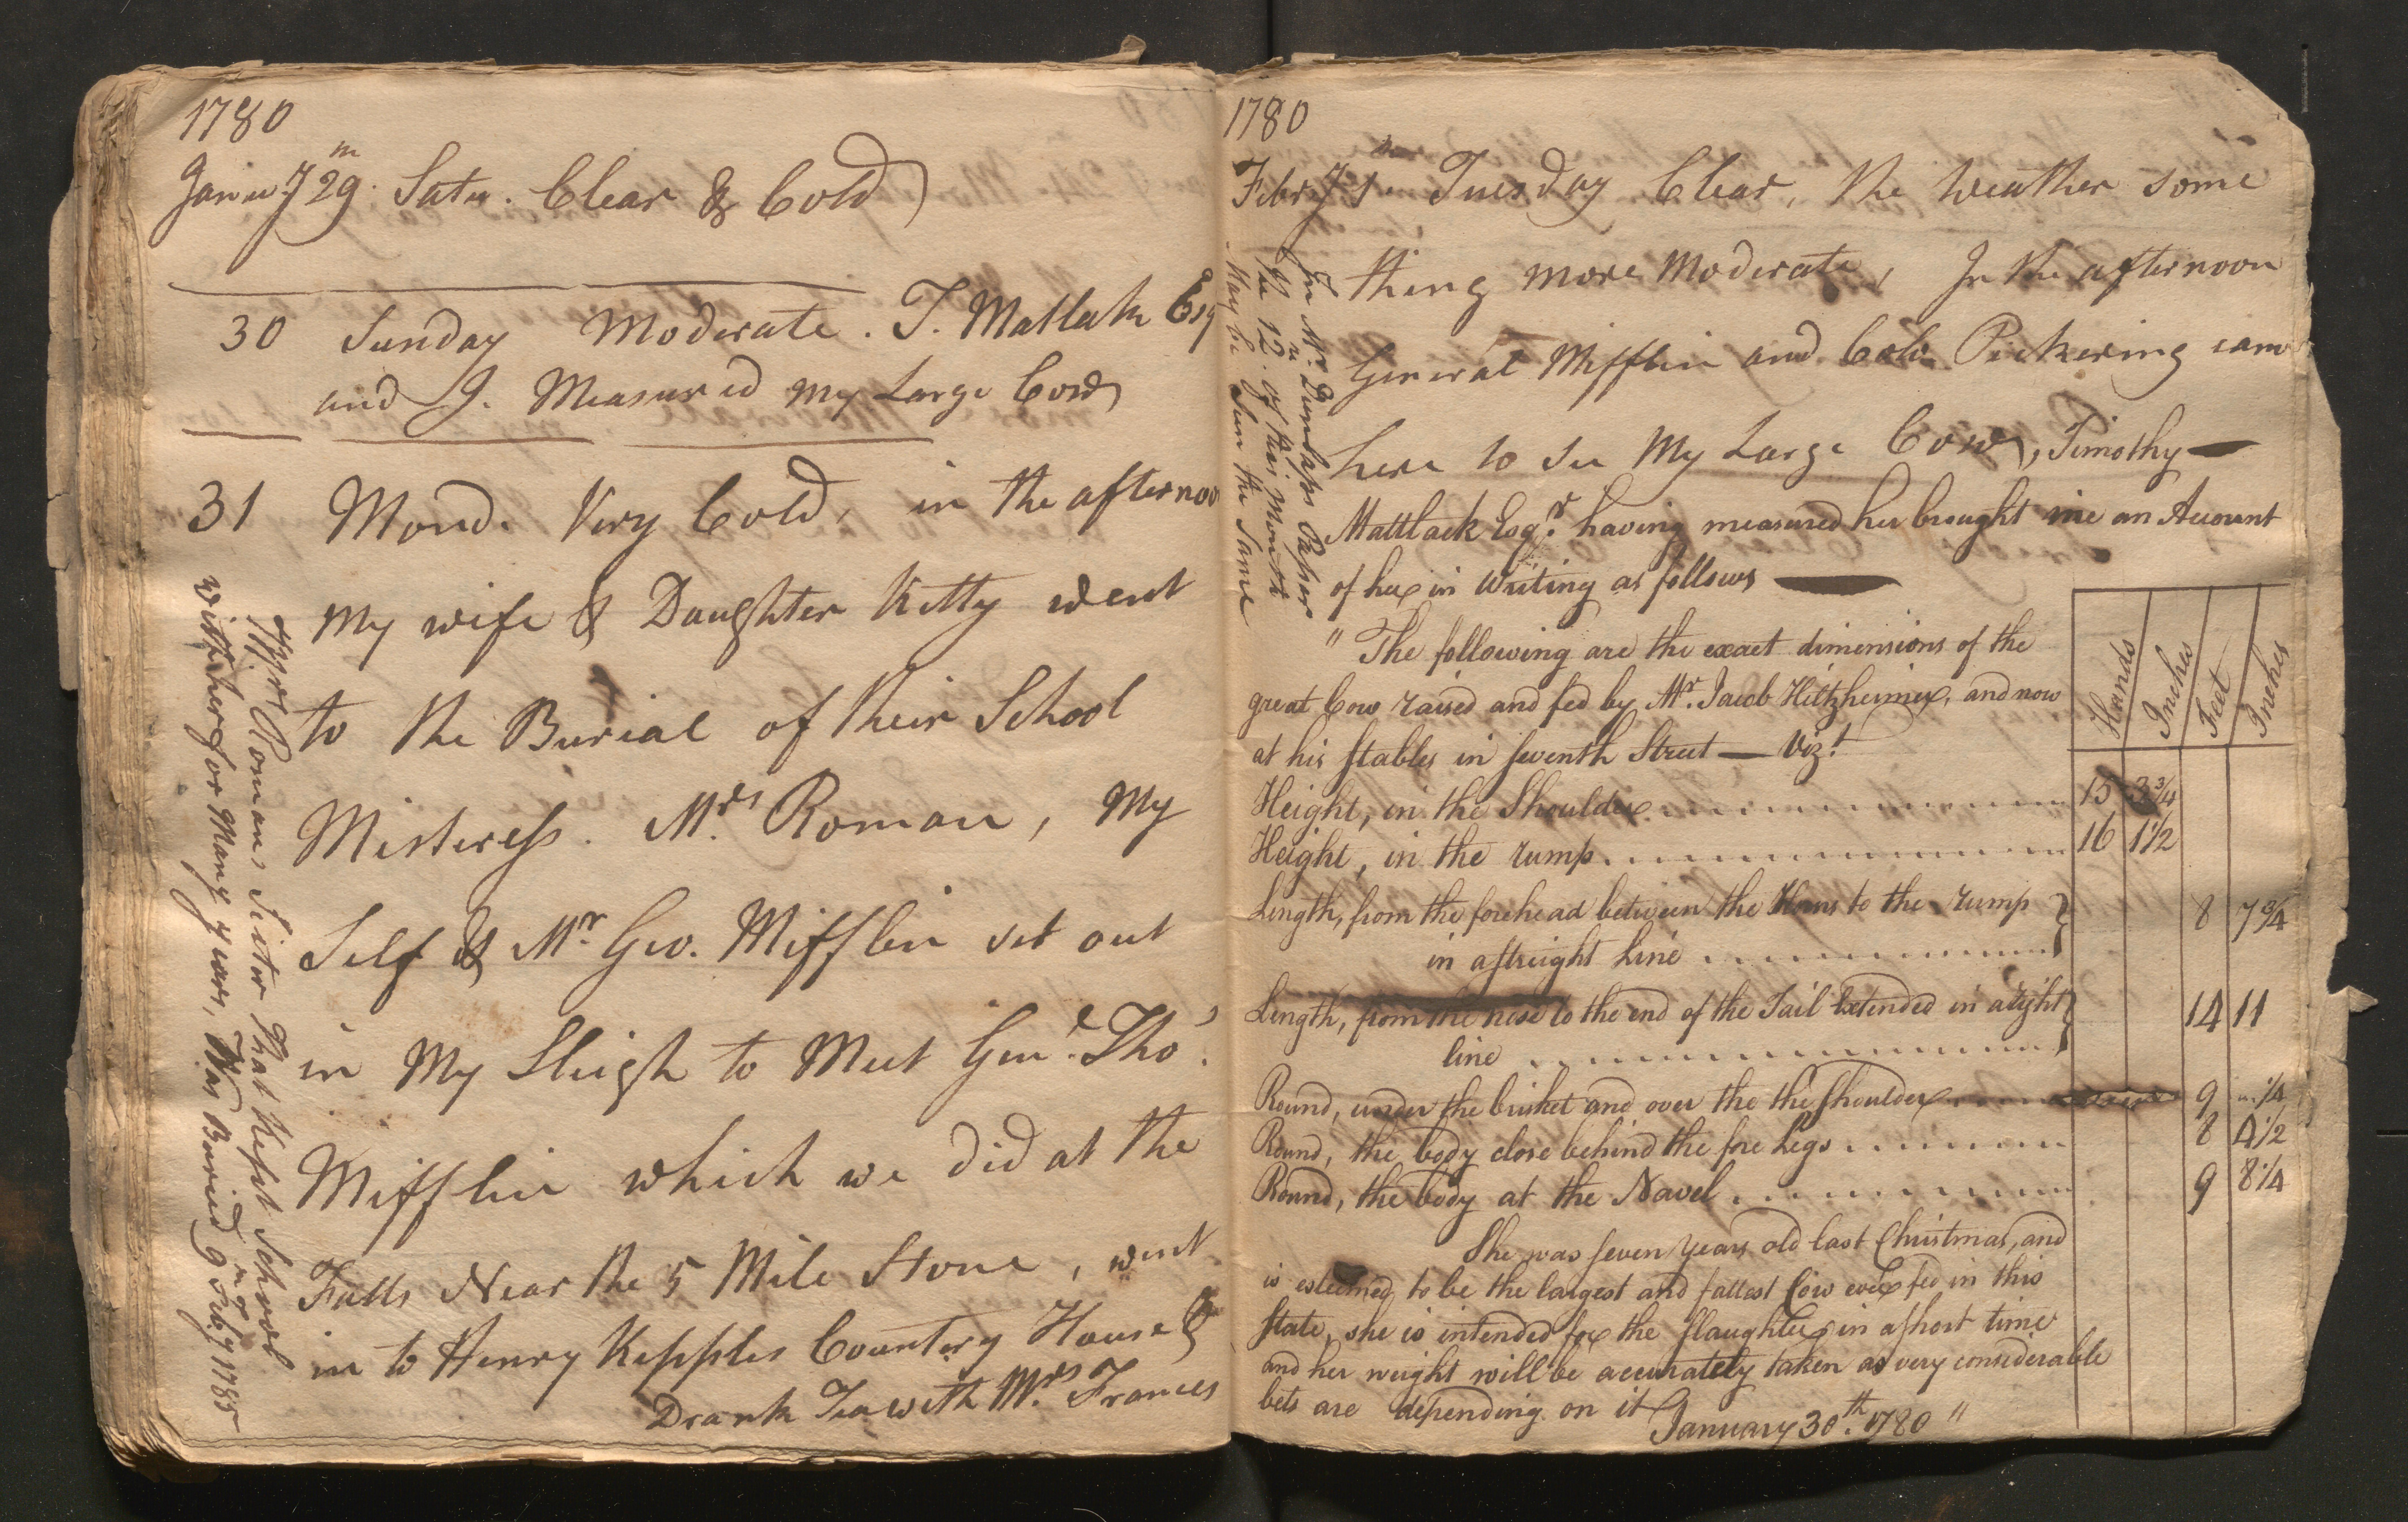1780
Janu^y. 29^th Satu. Clear & Cold
30 Sunday Moderate. T. Matlak Esq
and I. Measured my Large Cow
31 Mond. Very Cold, in the afternoon
my wife & Daughter Kitty went
to the Burial of their School
Misteress. M^r. Roman, My
self & M^r Geo. Mifflin sit out
in My Sleigh to Meet Gen^l. Tho^s.
Mifflin which we did at the
Falls Near the 5 Mile Stone, went
in to Henry Kepples Country House &
Drank Tea with M^r. Frances
M^rs. Romans Sister That Kept School
with her for Many years, Has Buried 9th Feb^y. 1785
1780
Febr^y Tuesday Clear, the Weather some
thing more Moderate In the afternoon
General Mifflin and Colo Pickering cam
here to see My Large Cow, Timothy
In M^r. Dunlaps Paper
the 12^th. of this month
May be seen the Same
Mattlack Esq^r. having measured her brought me an Account
of has in writing at follows-
The following are the exact dimensions of the
great Cow raised and fed by M^r. Jacob Hiltzheimer, and now
at his stables in seventh Street- Viz^t.
Height, in the Shoulder
Height, in the rump.
Length, from the forehead between the Horns to the rump
in a straight Line
Length, from the nose to the end of the Tail Extended in a right
line
Round, under the brisket and over the the shoulder
Round, the body close behend the fore Legs
Round, the body at the Navel
She was seven years old last Christmas, and
is esteemed to be the largest and fattest Cow ever fed in this
state, she is intended for the slaughter in a short time
and her weight will be accurately taken as very considerable
bets are depending on it
January 30^th. 1780
Hands
Inches
Feet
Inches
15
3 3/4
16
1 1/2
8
7 3/4
14 11
9
1/4
8
4 1/2
9
8 1/4